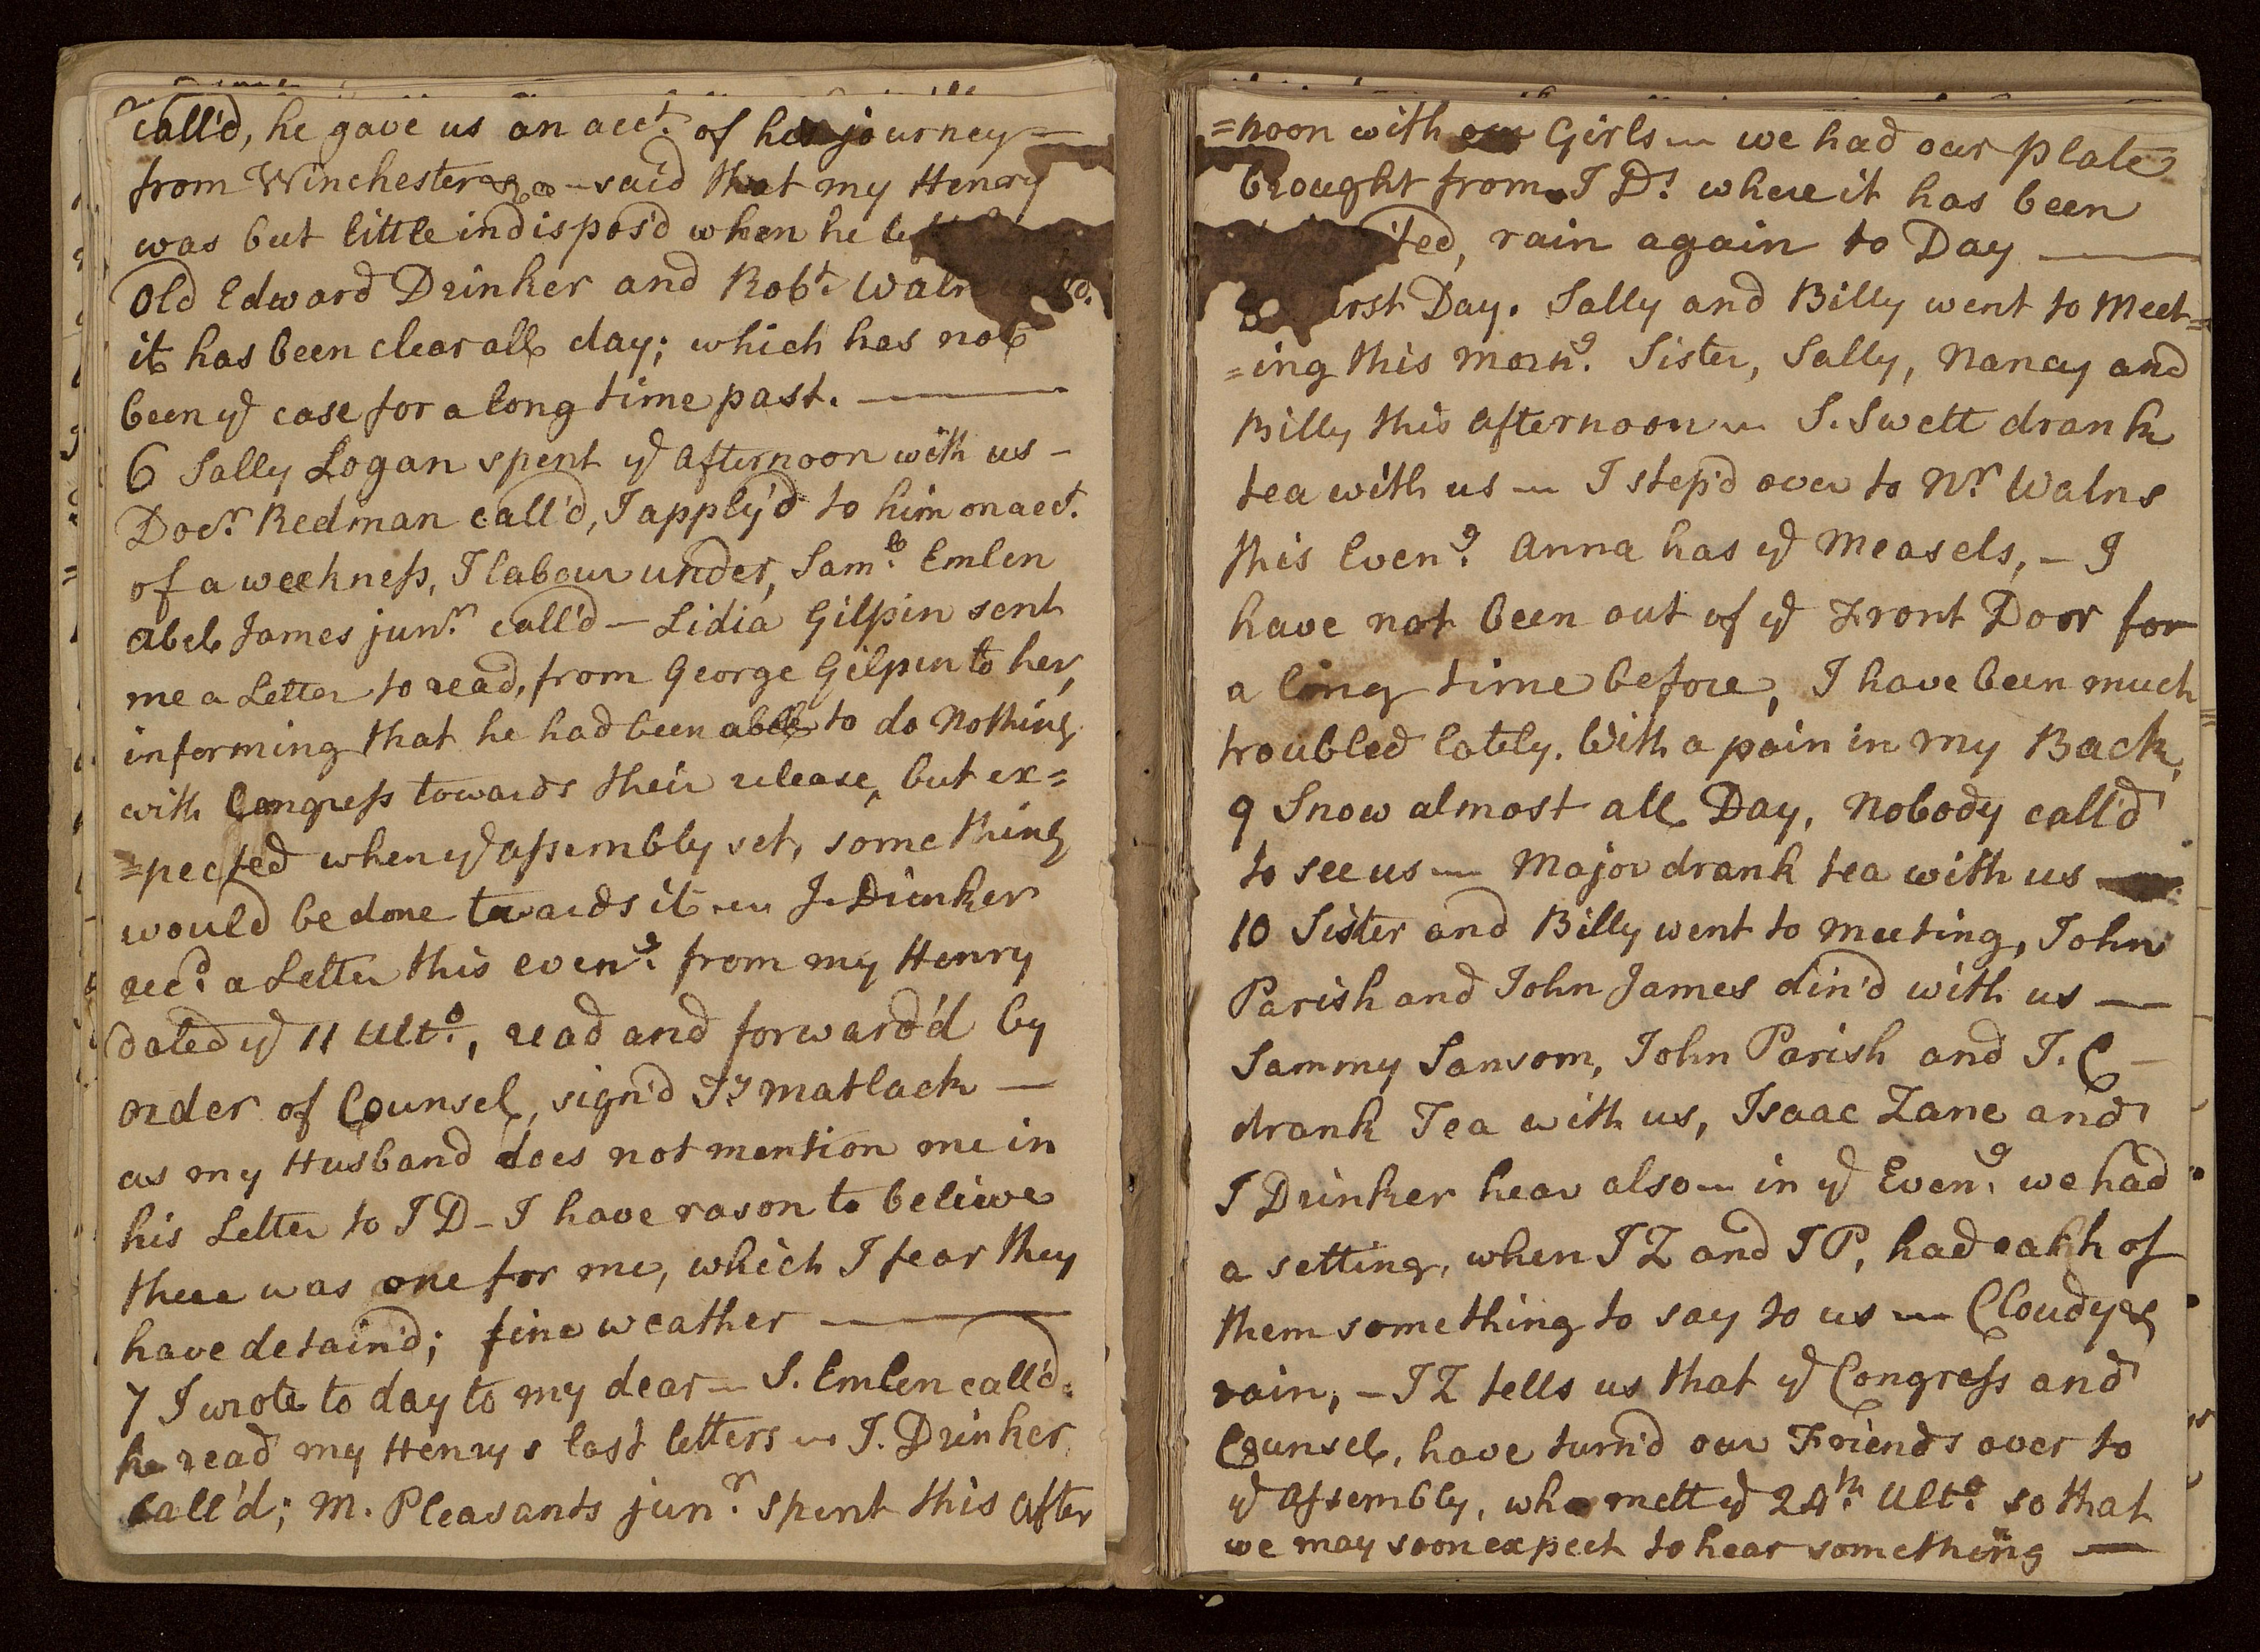call'd, he gave us an acc^t. of his journeys
from Winchester &c -said that my Henry
was but little indispos'd when he left for
old Edward Drinker and Rob^t Waln [___]o.
it has been clear all day; which has not
been y^e case for a long time past.-
6 Sally Logan spent y^e afternoon with us-
Doc^r. Redman call'd, I apply'd to him on acc^t.
of a weekness, I labour under, Sam^l. Emlen
Abel James jun^r. call'd- Lidia Gilpin sent
me a Letter to read, from George Gilpin to her,
informing that he had been able to do Nothing
with Congress towards their release, but ex-
-pected when y^e assembly set, something
would be done towards it- J. Drinker
rec^d. a Letter this even^g. from my Henry
dated y^e 11 Ult^o, read and forward'd by
order of Counsel, sign'd T^y. Matlack-
as my Husband does not mention me in
his Letter to J D- I have rason to believe
there was one for me, which I fear they
have detain'd; fine weather-
7 I wrote to day to my dear- S. Emlen call'd
he read my Henrys last letters- J. Drinker
call'd; M. Pleasants jun^r. spent this after
-noon with our Girls- we had our plate
brought from J D^s. where it has been
deposited, rain again to Day-
First Day. Sally and Billy went to Meet-
-ing this morn^g. Sister, Sally, Nancy and
Billy this afternoon- S. Swett drank
tea with us- I step'd over to N^r. Walns
this Even^g. Anna has y^e Measels- I
have not been out of y^e Front Door for
a long time before, I have been much
troubled lately. With a pain in my Back,
9 Snow almost all Day, nobody call'd
to see us- Major drank tea with us-
10 Sister and Billy went to meeting, John
Parish and John James din'd with us-
Sammy Sansom, John Parish and T.C-
drank Tea with us, Isaac Zane and
J Drinker hear also-- in y^e Even^g. we had
a setting, when IL and JP. had each of
them something to say do us- Cloudy &
rain,- IL tells us that y^e Congress and
Counsel, have turn'd our Friends over to
y^e assembly, who mett y^e 29^th. Ult^o so that
we may soon expect to hear something-